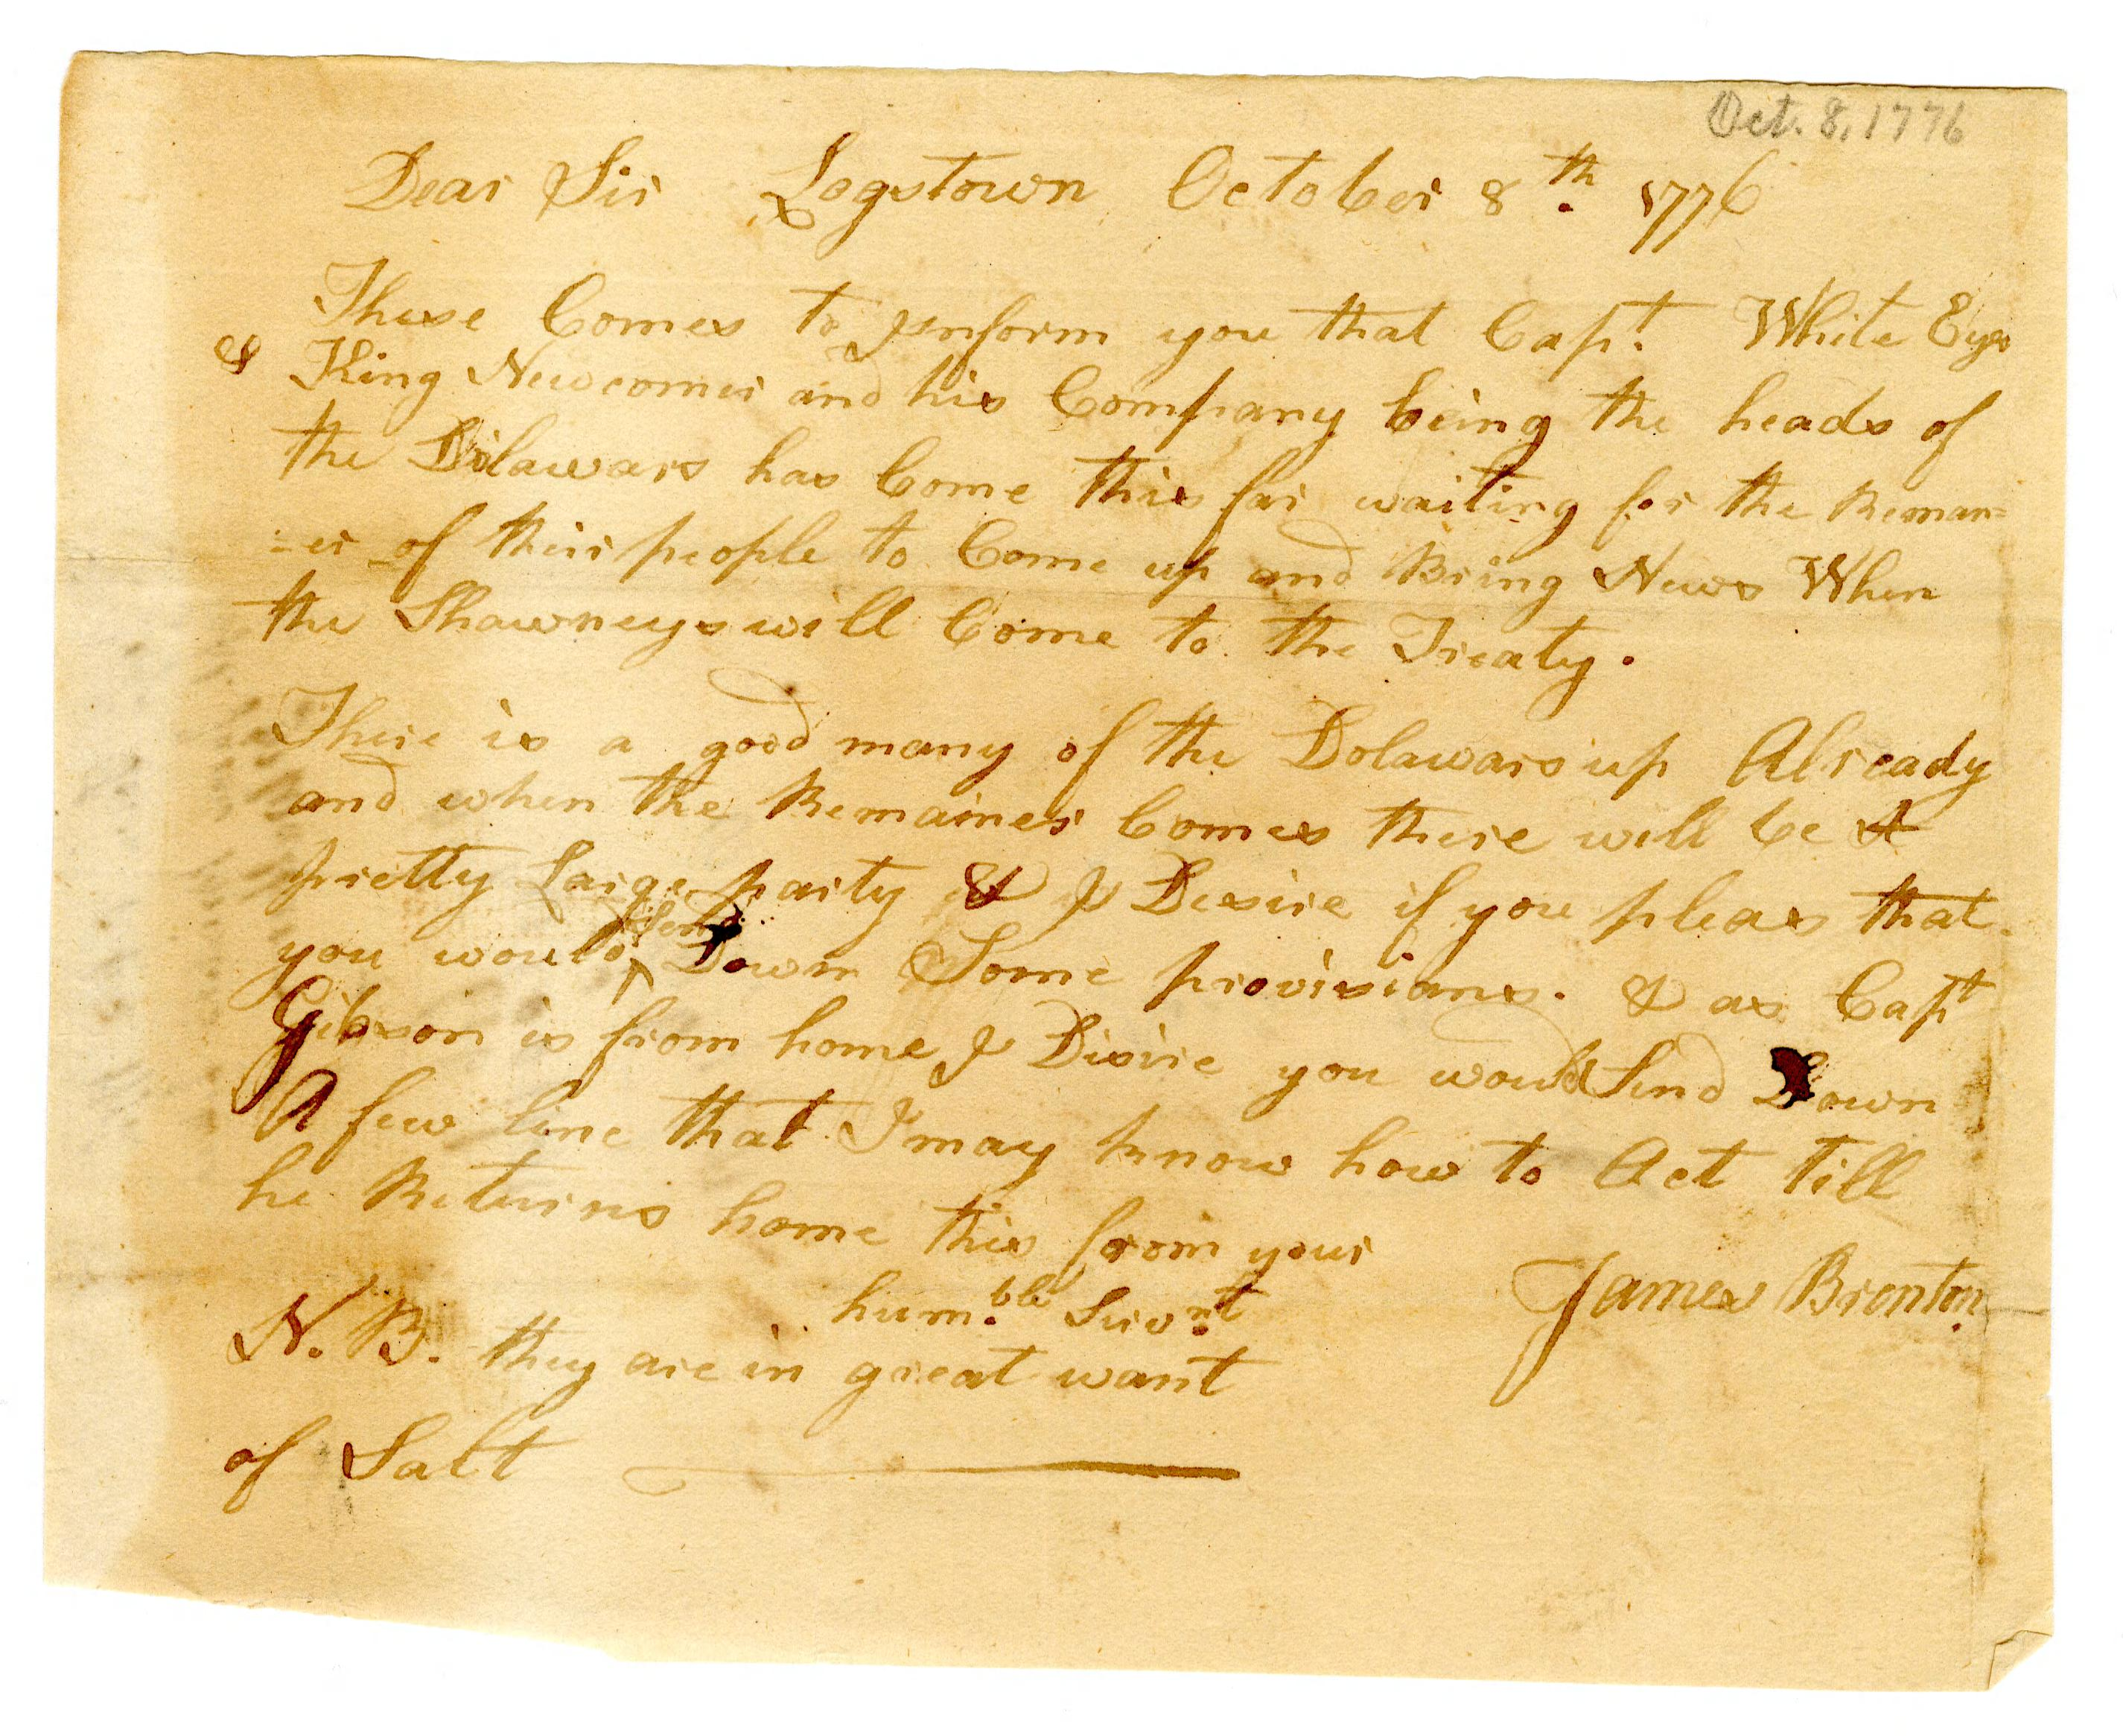Logstown October 8^th. 1776
Dear Sir
These Comes to inform you that Cap^t. White Eyes
& King Newcomer and his Company being the heads of
the Delaware has Come this for waiting for the Reman-
-er of their people to Come up and Bring News When
the Shawneys will Come to the Treaty.
There is a good many of the Delawars up Already
and when the Remaines Comes there will be a
pretty Large party & I Desire if you pleas that
send
you would ^ Down Some provisions. & as Cap^t
Gibson is from home & Desire you would Send down
a few line that I may know how to Act till
he Returns home this from your
hum^ble. Serv^t.
James Brenton
N.B. they are in great want
of Salt